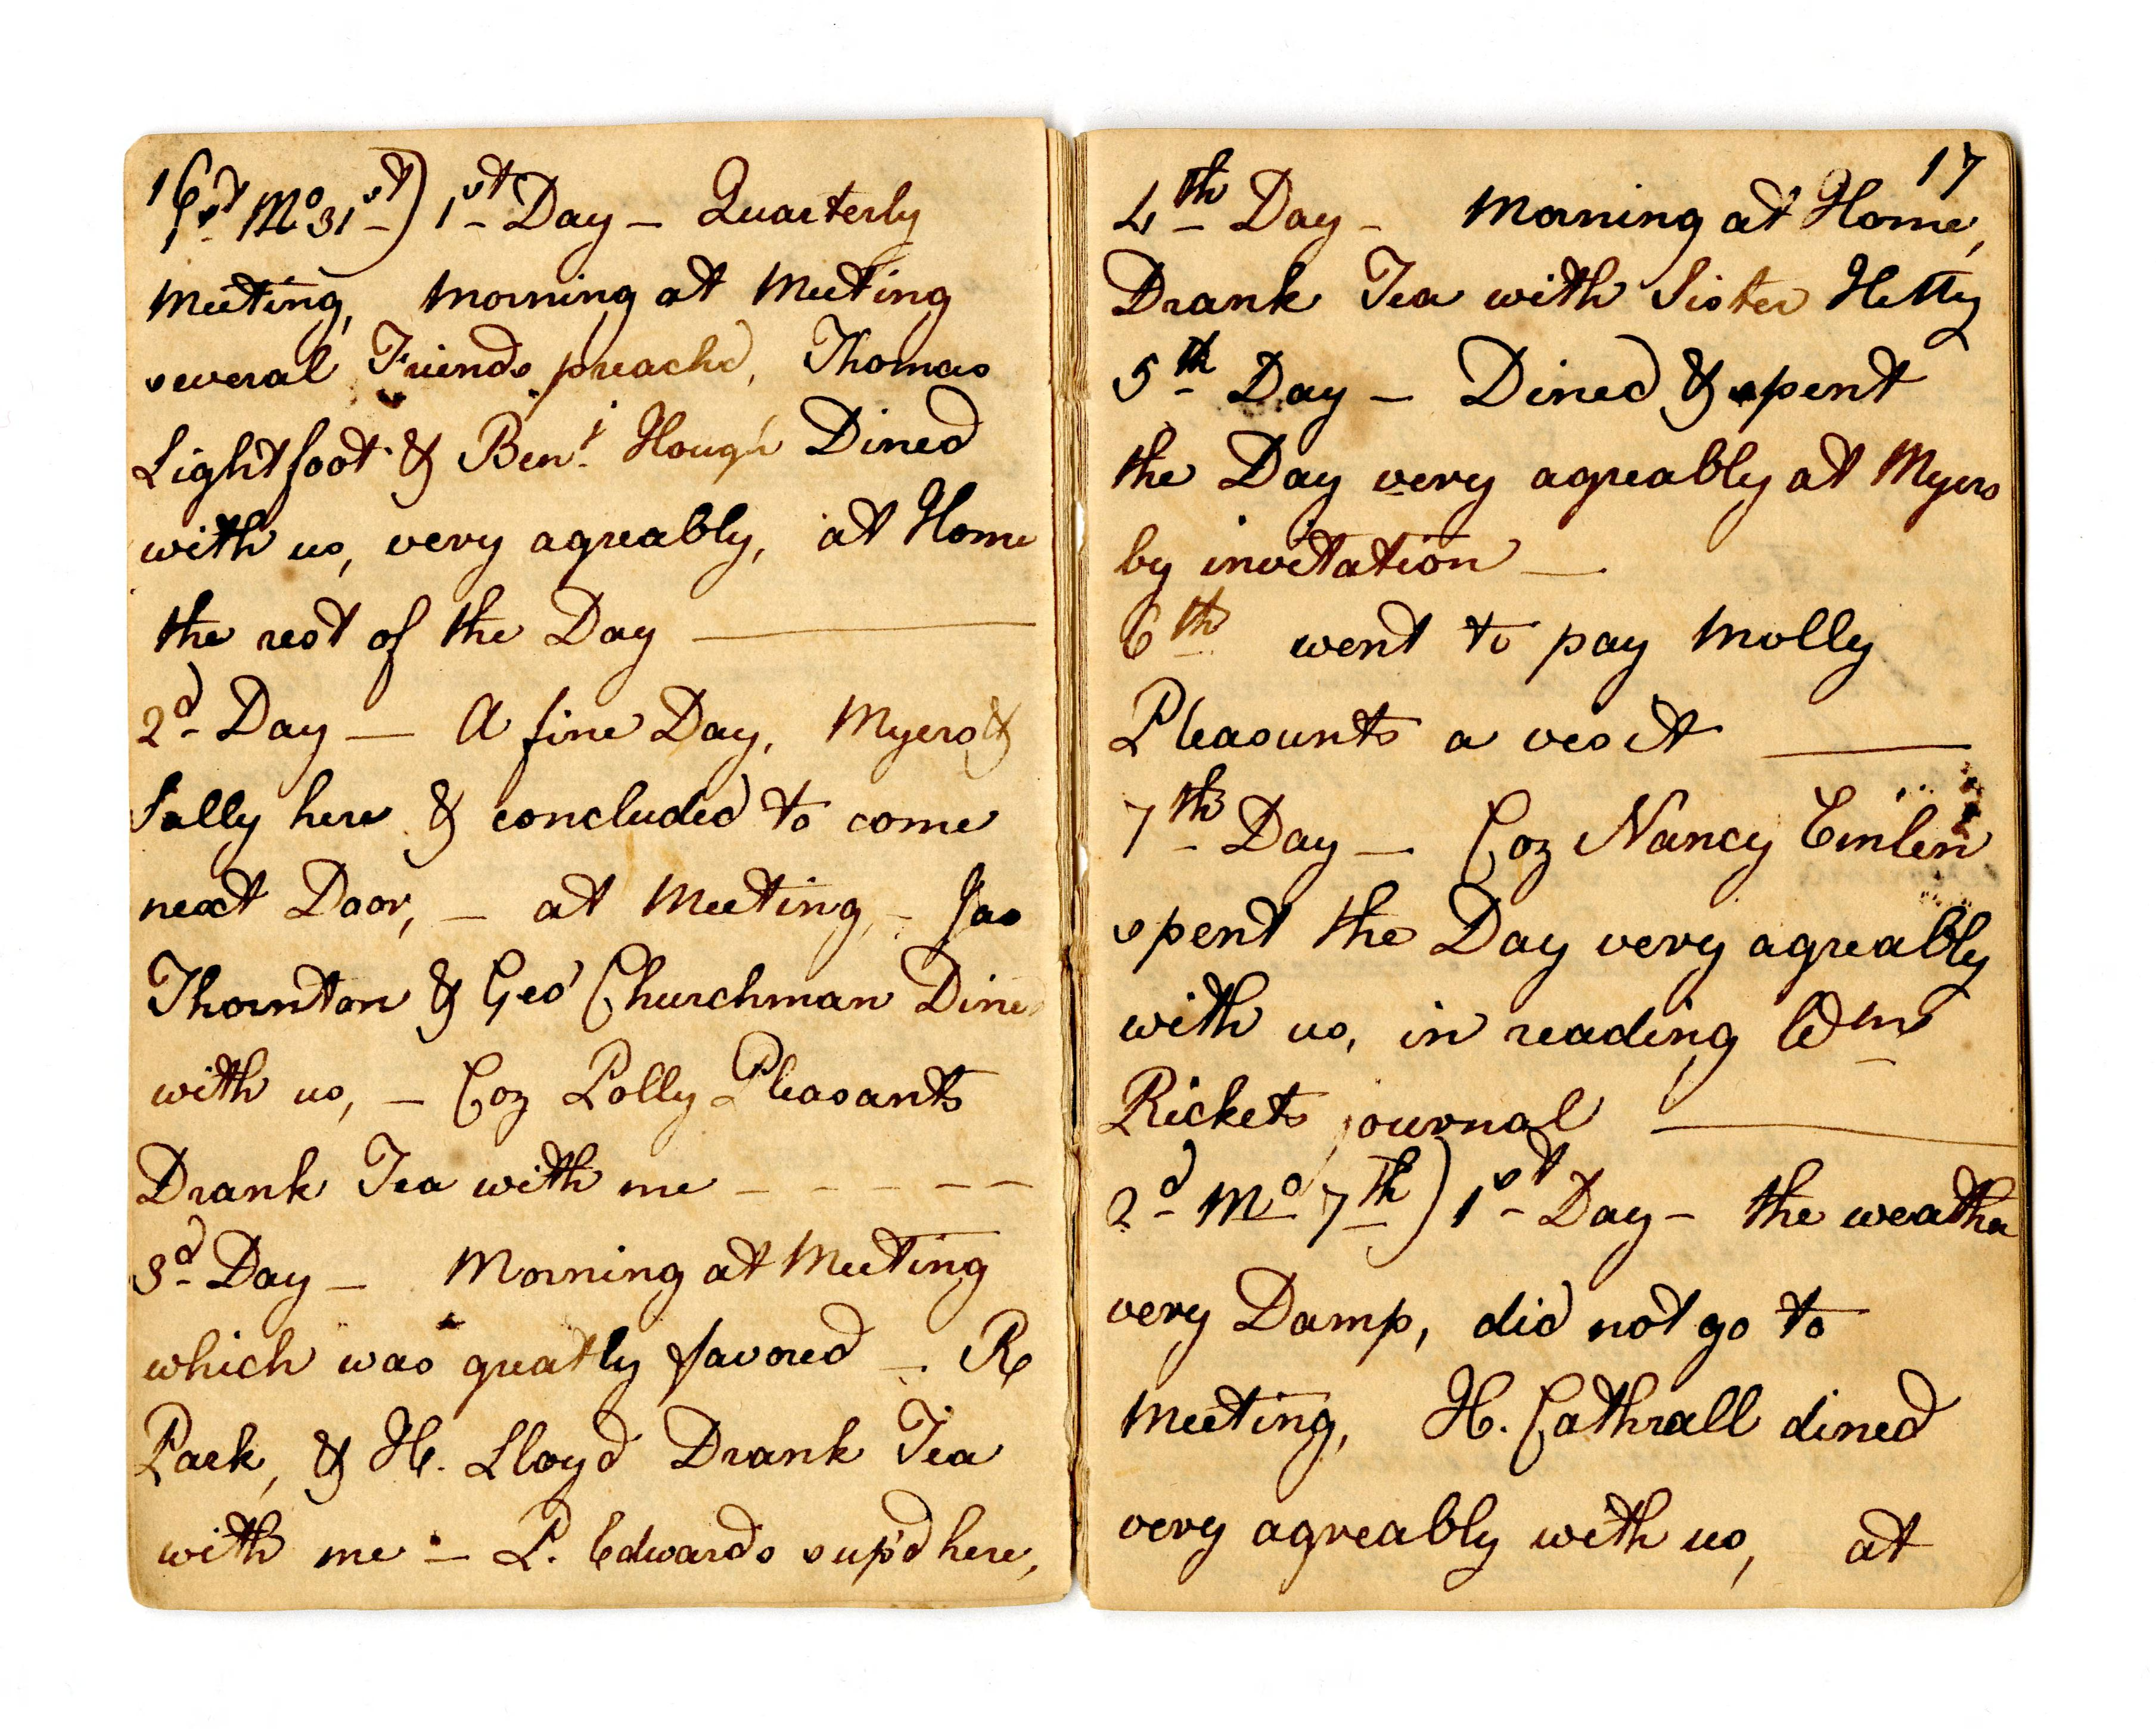16
1^st M^o 31^st) 1^st Day- Quarterly
Meeting, morning at Meeting
several Friends preachd, Thomas
Lightfoot & Ben^j Hough Dined
with us, very agreably, at Home
the rest of the Day-
2^d Day- A fine Day, Myers &
Sally here & concluded to come
next Door,- at Meeting,- Jas
Thornton & Geo' Churchman Dined
with us,- Coz Polly Pleasants
Drank Tea with me
3^d. Day- Morning at Meeting
which was greatly favored- R
Pack, & H. Lloyd Drank Tea
with me- P. Edwards sup'd here,
17
4^th Day- morning at Home,
Drank Tea with Sister Hetty
5^th Day- Dined & spent
the Day very agreably at Myers
by invitation
6^th went to pay Molly
Pleasants a visit
7^th Day- Coz Nancy Emlen
spent the Day very agreably
with us, in reading W^m
Rickets journal-
2^d M^o 7^th) 1^st Day- the weather
very Damp, did not go to
Meeting, H. Cathrall dined
very agreably with us, at